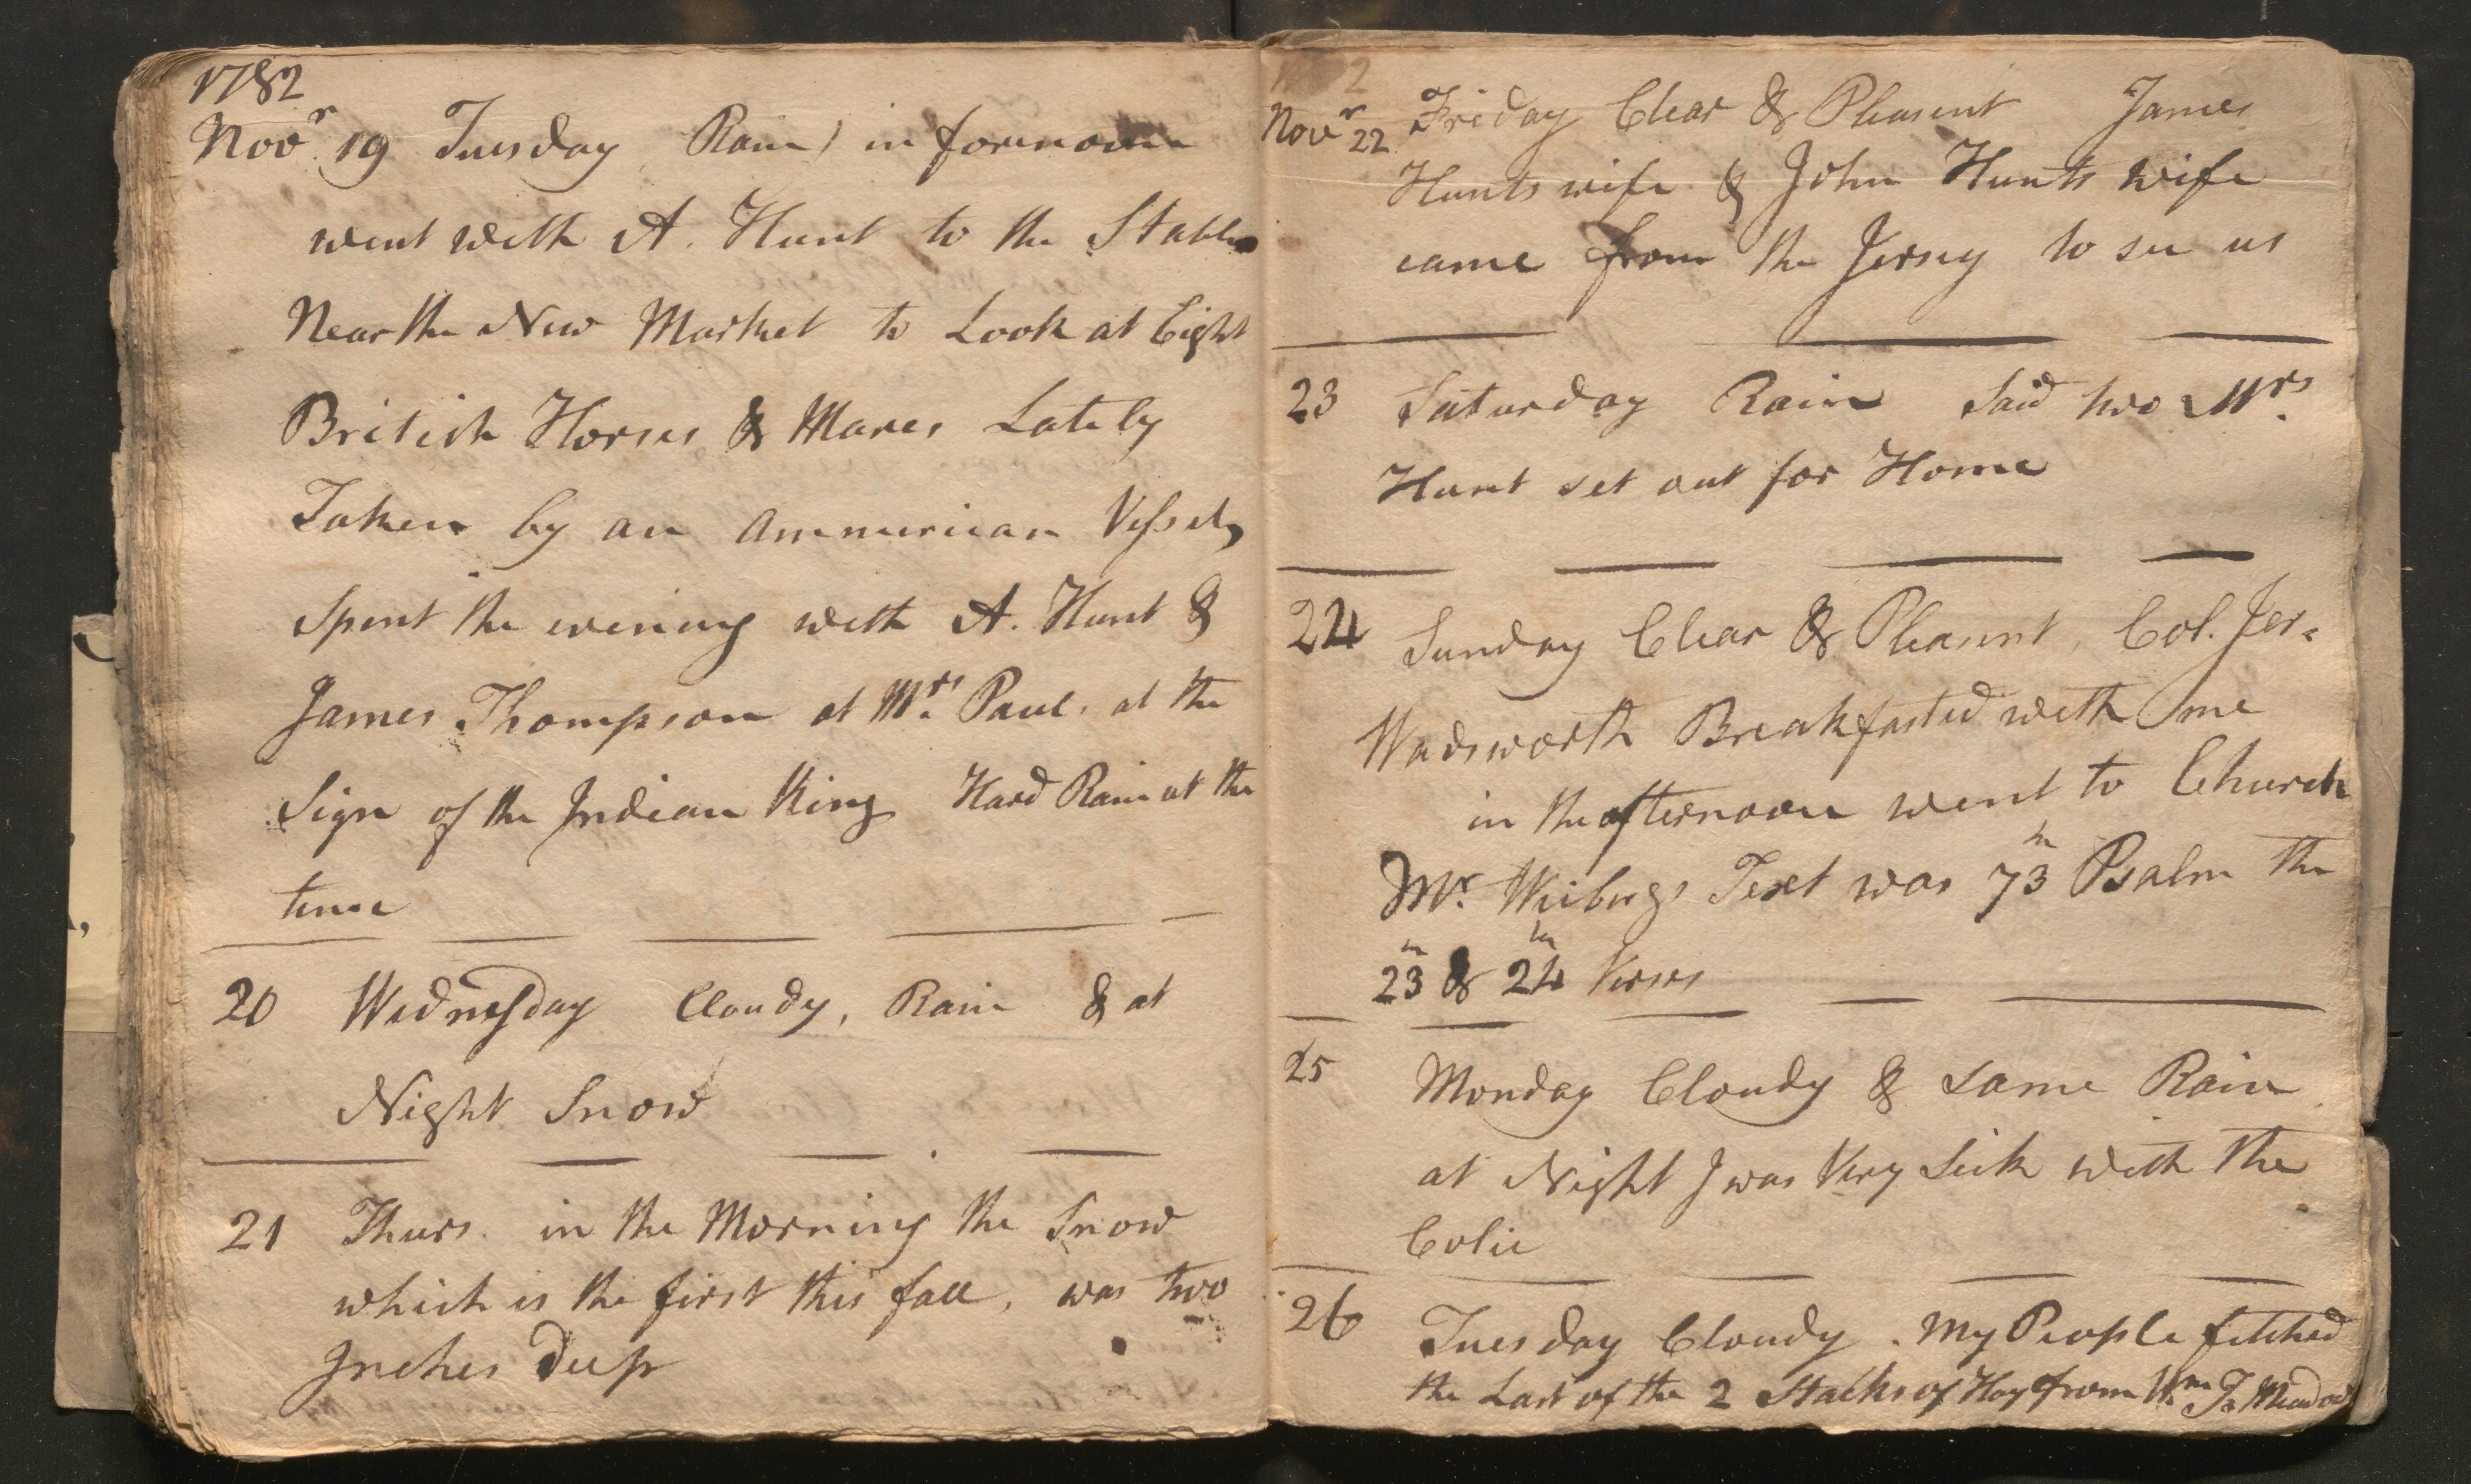1782
Nov^r. 19 Tuesday Rain) in forenoon
went with A. Hunt to the Stable
Near the New Market to Look at Eight
British Horses & Mares Lately
Taken by an American Vessel
spent the evening with A. Hunt &
James Thompson at M^rs. Paul. at the
Sign of the Indian King Hard Rain at the
time
20 Wednesday Cloudy, Rain & at
Night Snow
21 Thurs. in the Morning the Snow
which is the first this fall, was two
Inches deep
Nov^r 22 Friday Clear & Pleasent James
Hunts wife & John Hunts wife
came from the Jersey to see us
23 Saturday Rain said two M^r.
Hunt set out for Home
24 Sunday Clear & Pleasent, Col. Jer-
Wadsworth Breakfasted with me
in the afternoon went to Church
M^r. Weibergs Text was 73^th Psalm the
23^th & 24^th Verses
25 Monday Cloudy & same Rain
at Night I was Very Sick with the
Colic
26 Tuesday Cloudy My People fetched
the Last of the 2 Stacks of Hay from W^m. J. Meadow